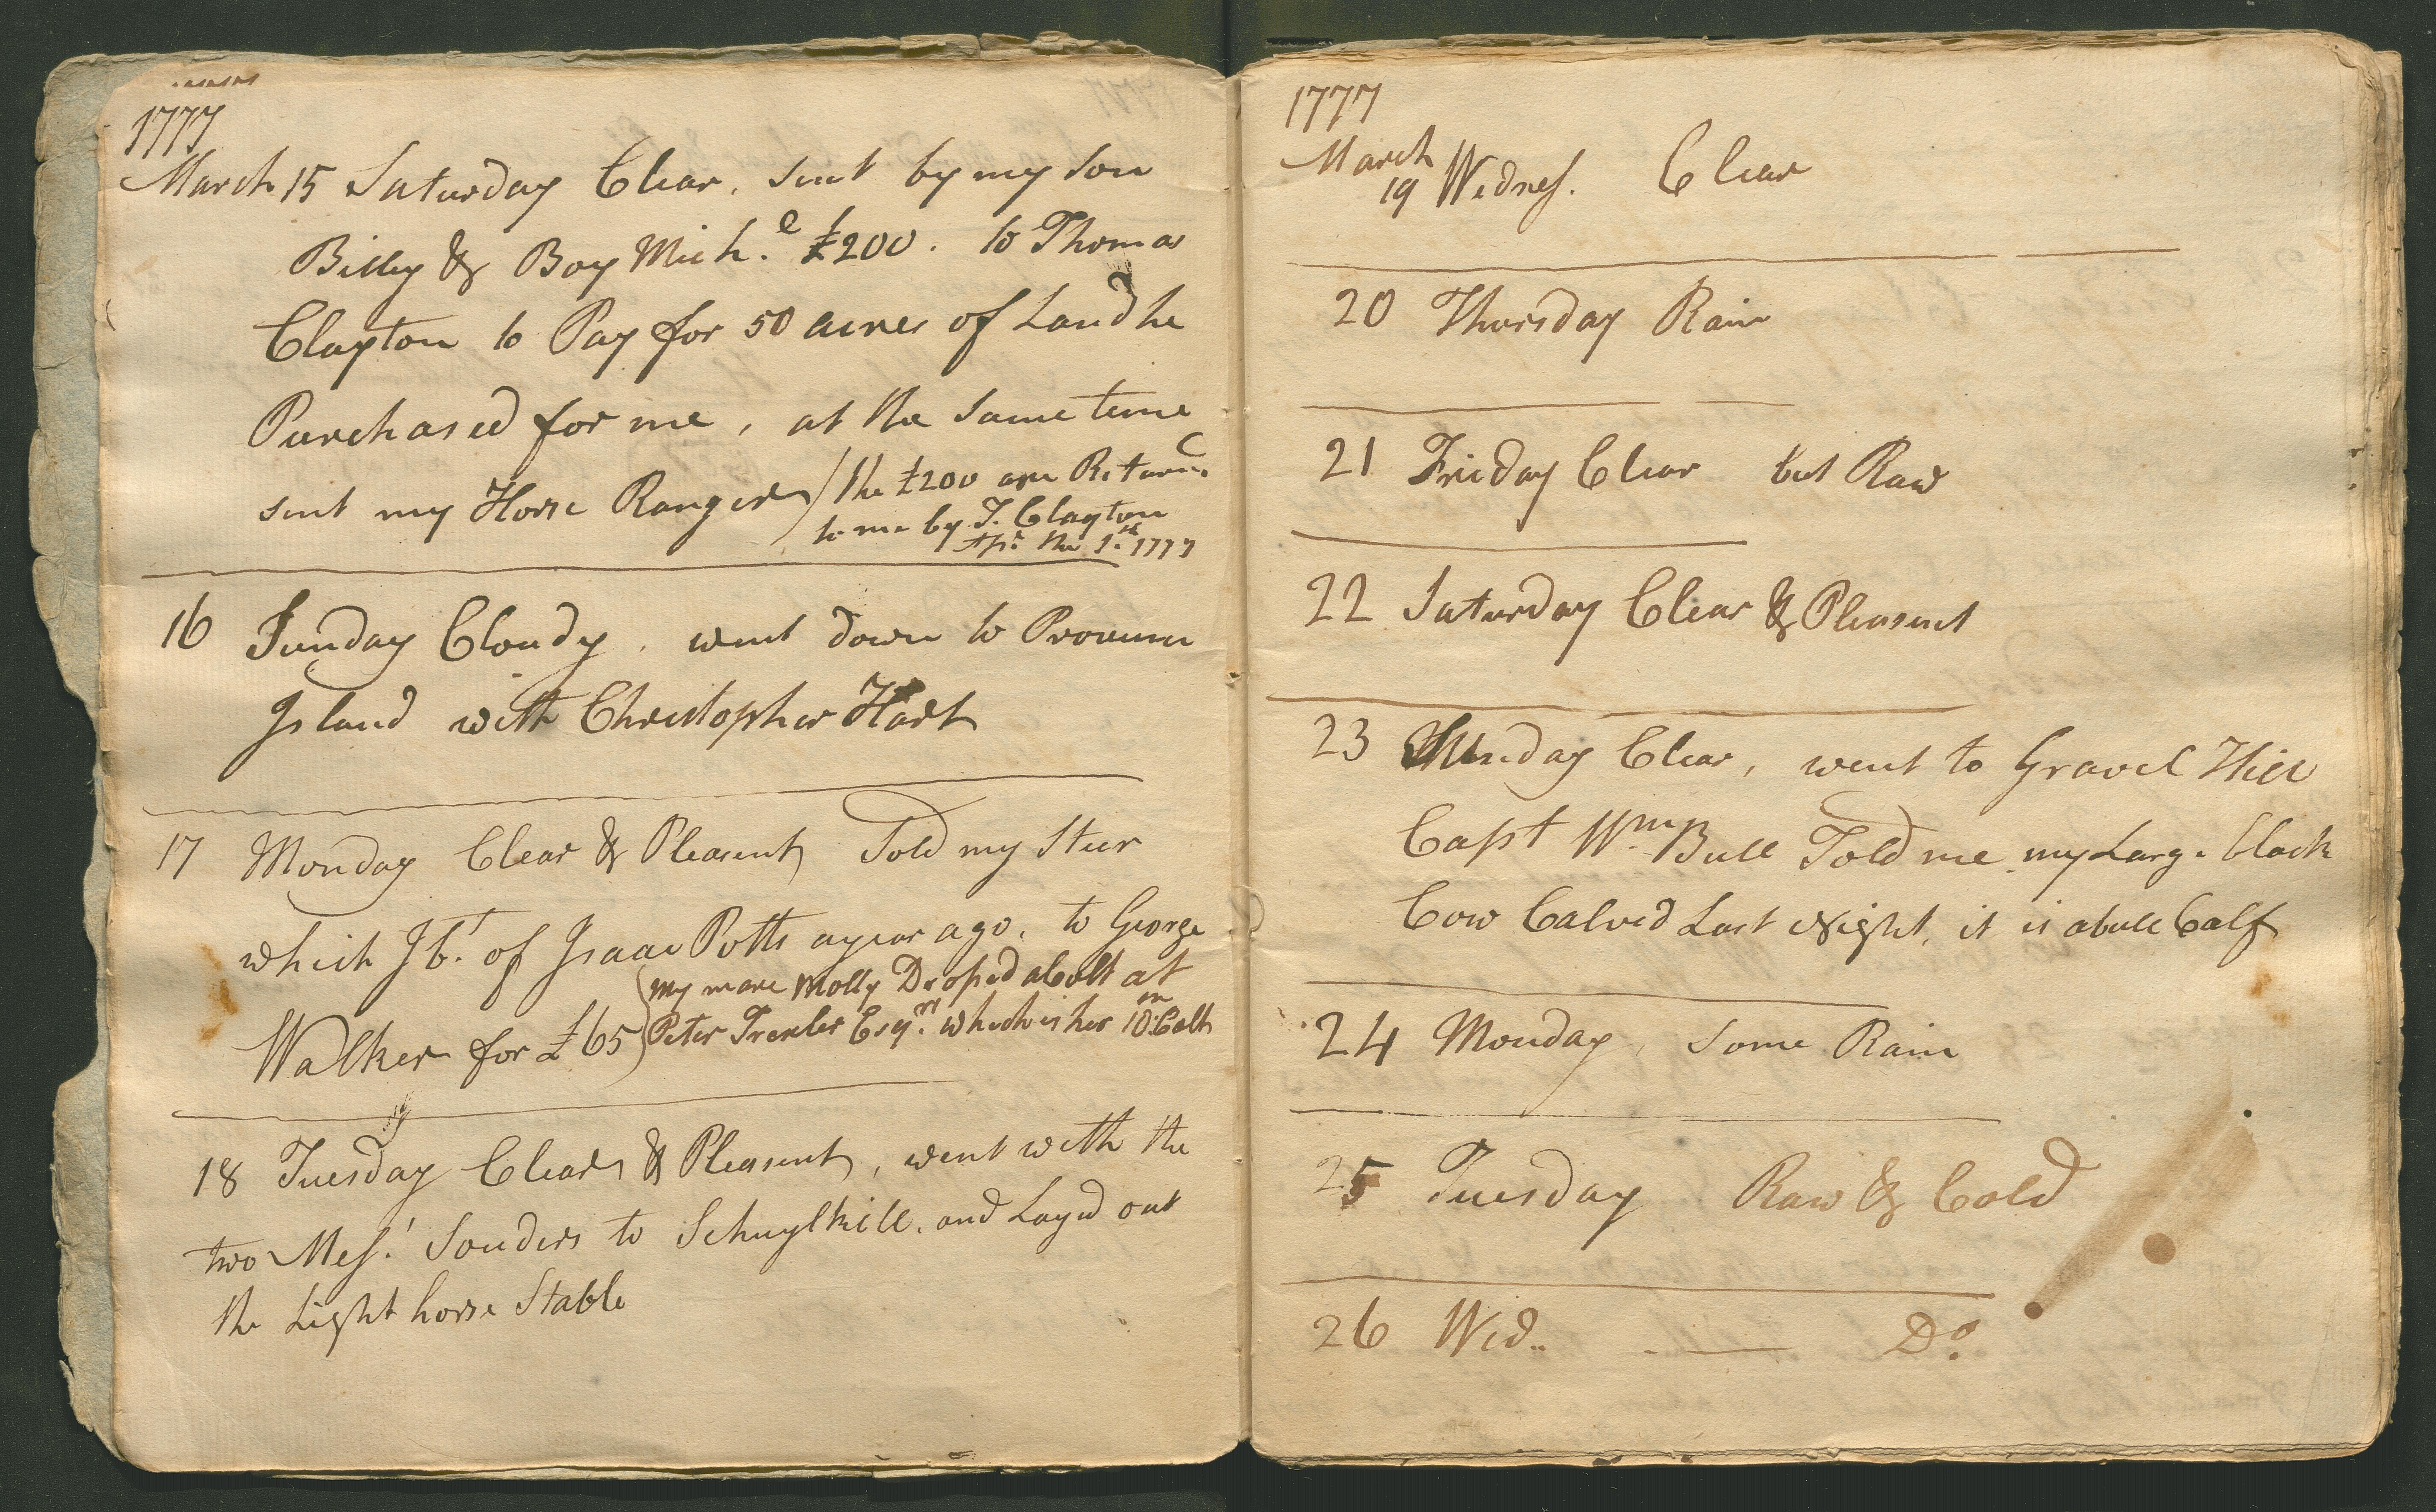1777
March 15 Saturday Clear, sent by my son
Billey & Boy Mich^l. £200. to Thomas
Clayton to Pay for 50 acres of Land he
Purchased for me, at the same time
sent my Horse Ranger / the £200 are Returnd
to me by T. Clayton
Ap^l. the 1^th. 1777
16 Sunday Cloudy. went down to Provence
Island with Christopher Hart
17 Monday Clear & Pleasent Sold my Steer
which I b^t. of Isaac Potts a year ago. to George
my mare Molly Droped a Colt at
Walker for £65 Peter Trenler Esq^r. which is her 10^th Colt
18 Tuesday Clear & Pleasent, went with the
two Mes^r. Souders to Schuylkill and Layed out
the Light horse Stable
March
17777
19 Wednes. Clear
20 Thursday Rain
21 Friday Clear but Raw
22 Saturday Clear & Pleasent
23 Sunday Clear, went to Gravel Hill
Capt. W^m. Bull Told me my Large black
Cow Calved Last Night it is a bull Calf
24 Monday, some Rain
25 Tuesday Raw & Cold
26 Wed.
D^o.